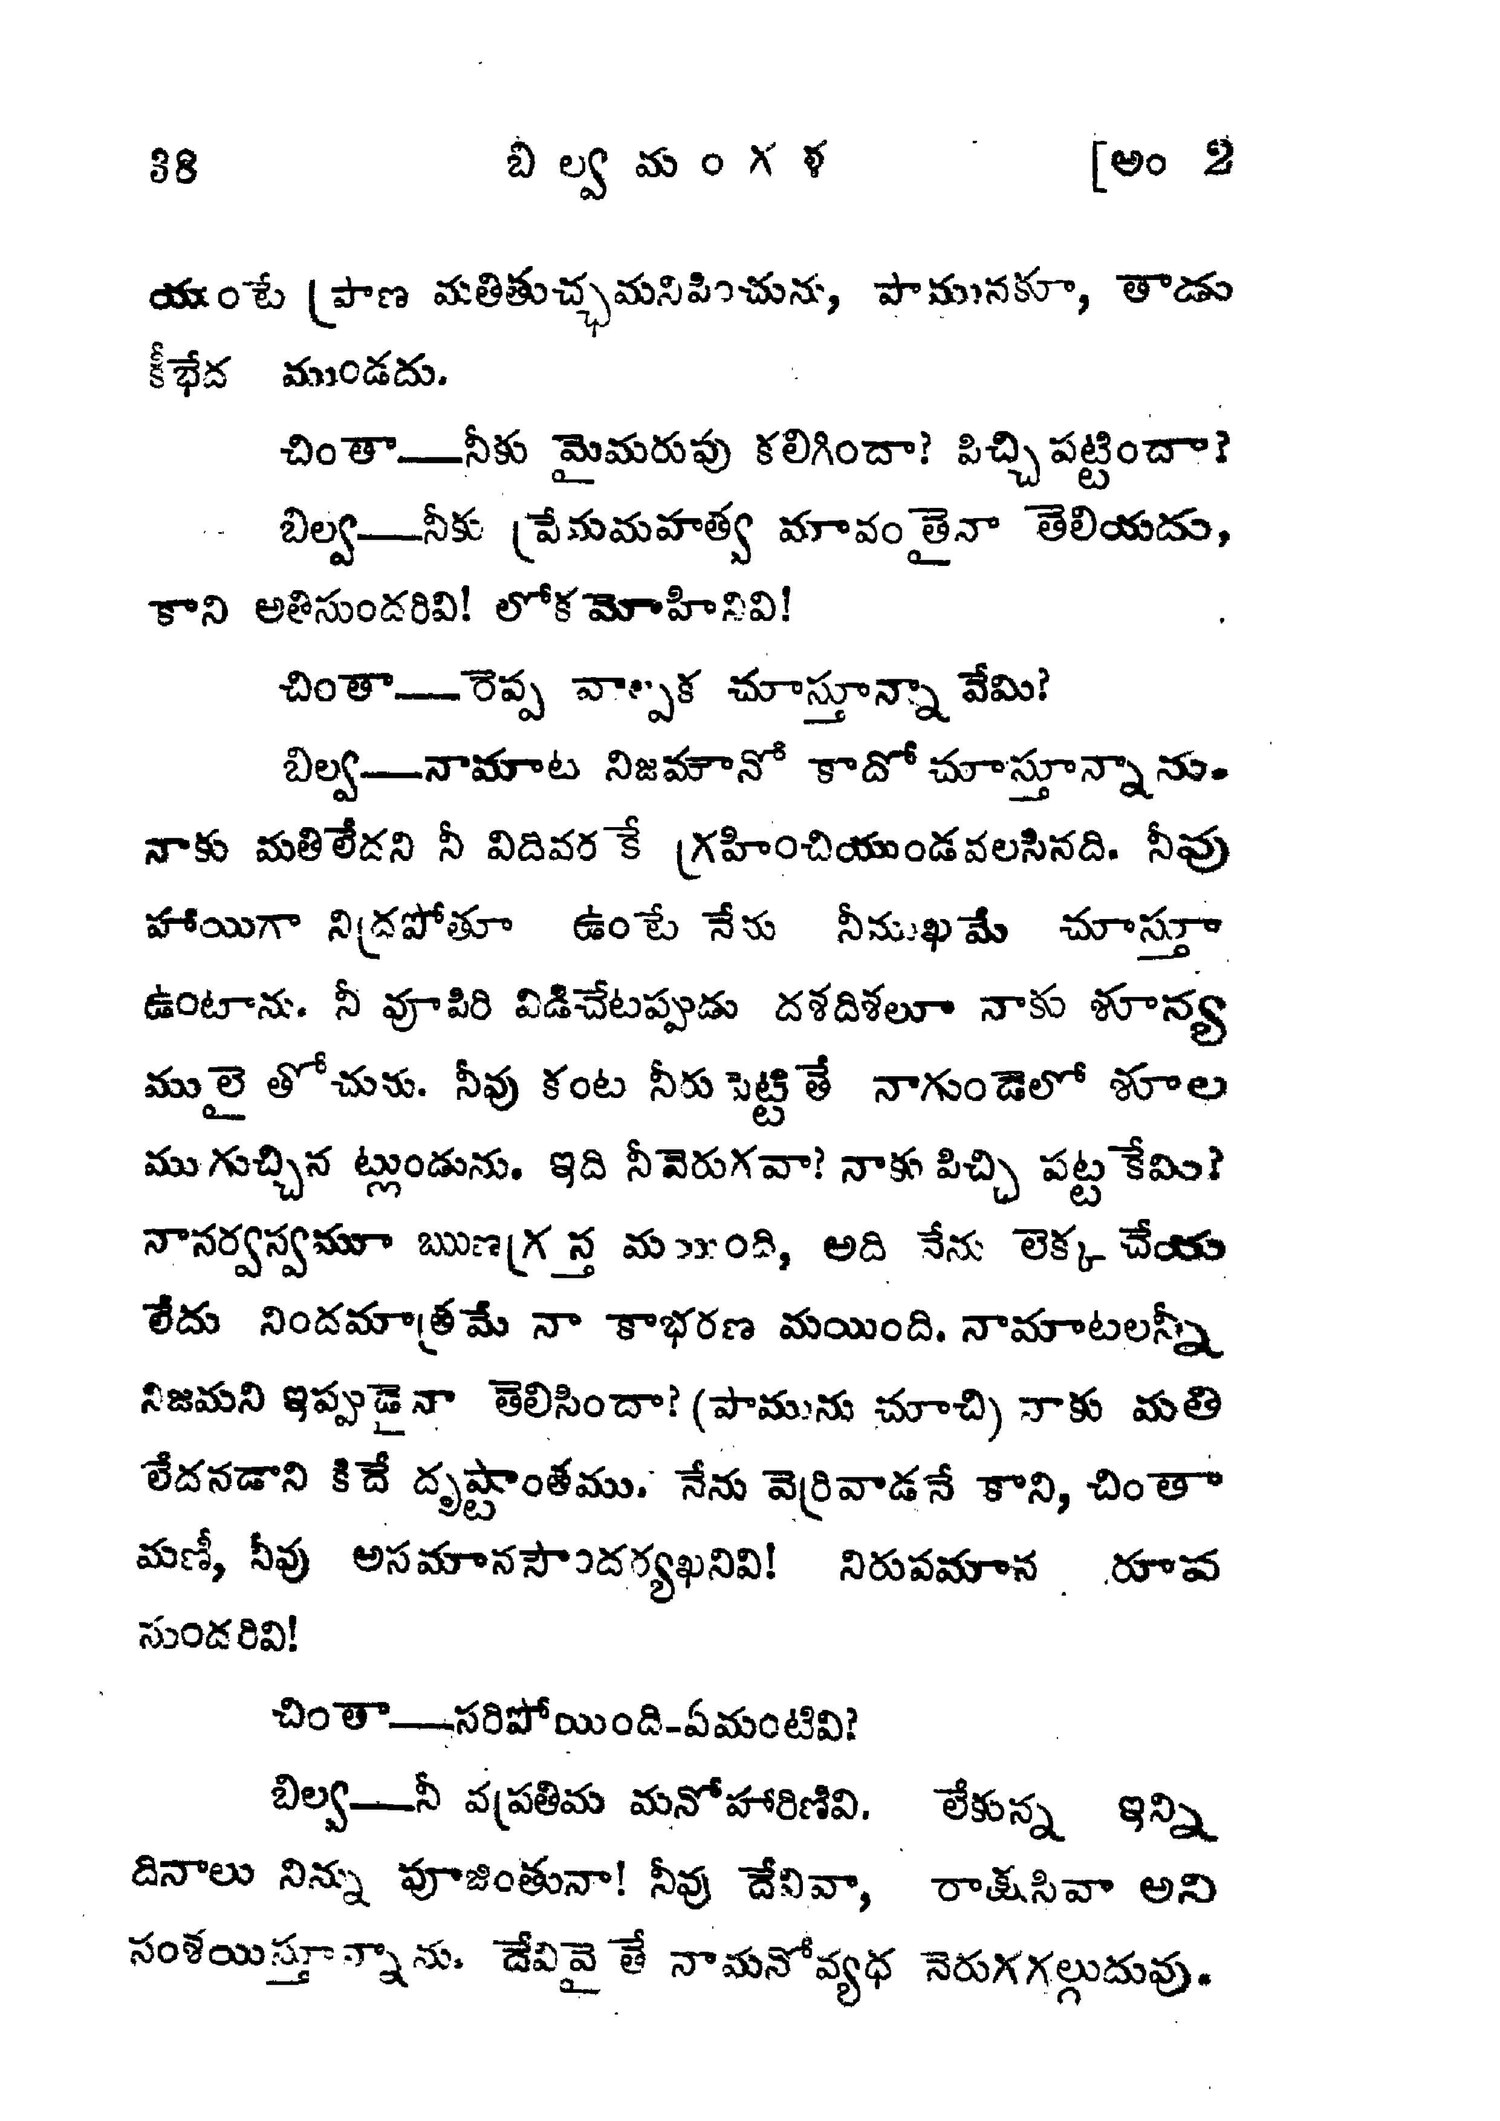యుంటే ప్రాణ మతితుచ్ఛమనిపించును, పామునకూ, తాడుకీభేద ముండదు.

చింతా - నీకు మైమరుపు కలిగిందా? పిచ్చి పట్టిందా?

బిల్వ - నీకు ప్రేమమహత్వ మావంతైనా తెలియదు, కాని అతిసుందరివి! లోకమోహినివి!

చింతా - రెప్ప వాల్పక చూస్తున్నా వేమి?

బిల్వ - నామాట నిజమౌనో కాదో చూస్తూన్నాను. నాకు మతిలేదని నీ విదివరకే గ్రహించియుండవలసినది. నీవు హాయిగా నిద్రపోతూ ఉంటే నేను నీముఖమే చూస్తూ ఉంటాను. నీ వూపిరి విడిచేటప్పుడు దశదిశలూ నాకు శూన్యములై తోచును. నీవు కంట నీరు పెట్టితే నాగుండెలో శూలముగుచ్చిన ట్లుండును. ఇది నీవెరుగవా? నాకు పిచ్చి పట్ట కేమి? నాసర్వస్వమూ ఋణగ్రస్త మయింది, అది నేను లెక్క చేయలేదు. నిందమాత్రమే నా కాభరణ మయింది. నామాటలన్నీ నిజమని ఇప్పుడైనా తెలిసిందా? (పామును చూచి) నాకు మతి లేదనడానికి కిదే దృష్టాంతము. నేను వెర్రివాడనే కాని, చింతామణీ, నీవు అసమానసౌందర్యఖనివి! నిరుపమాన రూప సుందరివి!

చింతా - సరిపోయింది-ఏమంటివి?

బిల్వ - నీ వప్రతిమ మనోహరిణివి. లేకున్న ఇన్ని దినాలు నిన్ను పూజింతునా! నీవు దేవివా, రాక్షసివా అని సంశయిస్తూన్నాను. దేవివైతే నామనోవ్యధ నెరుగగల్గుదువు.